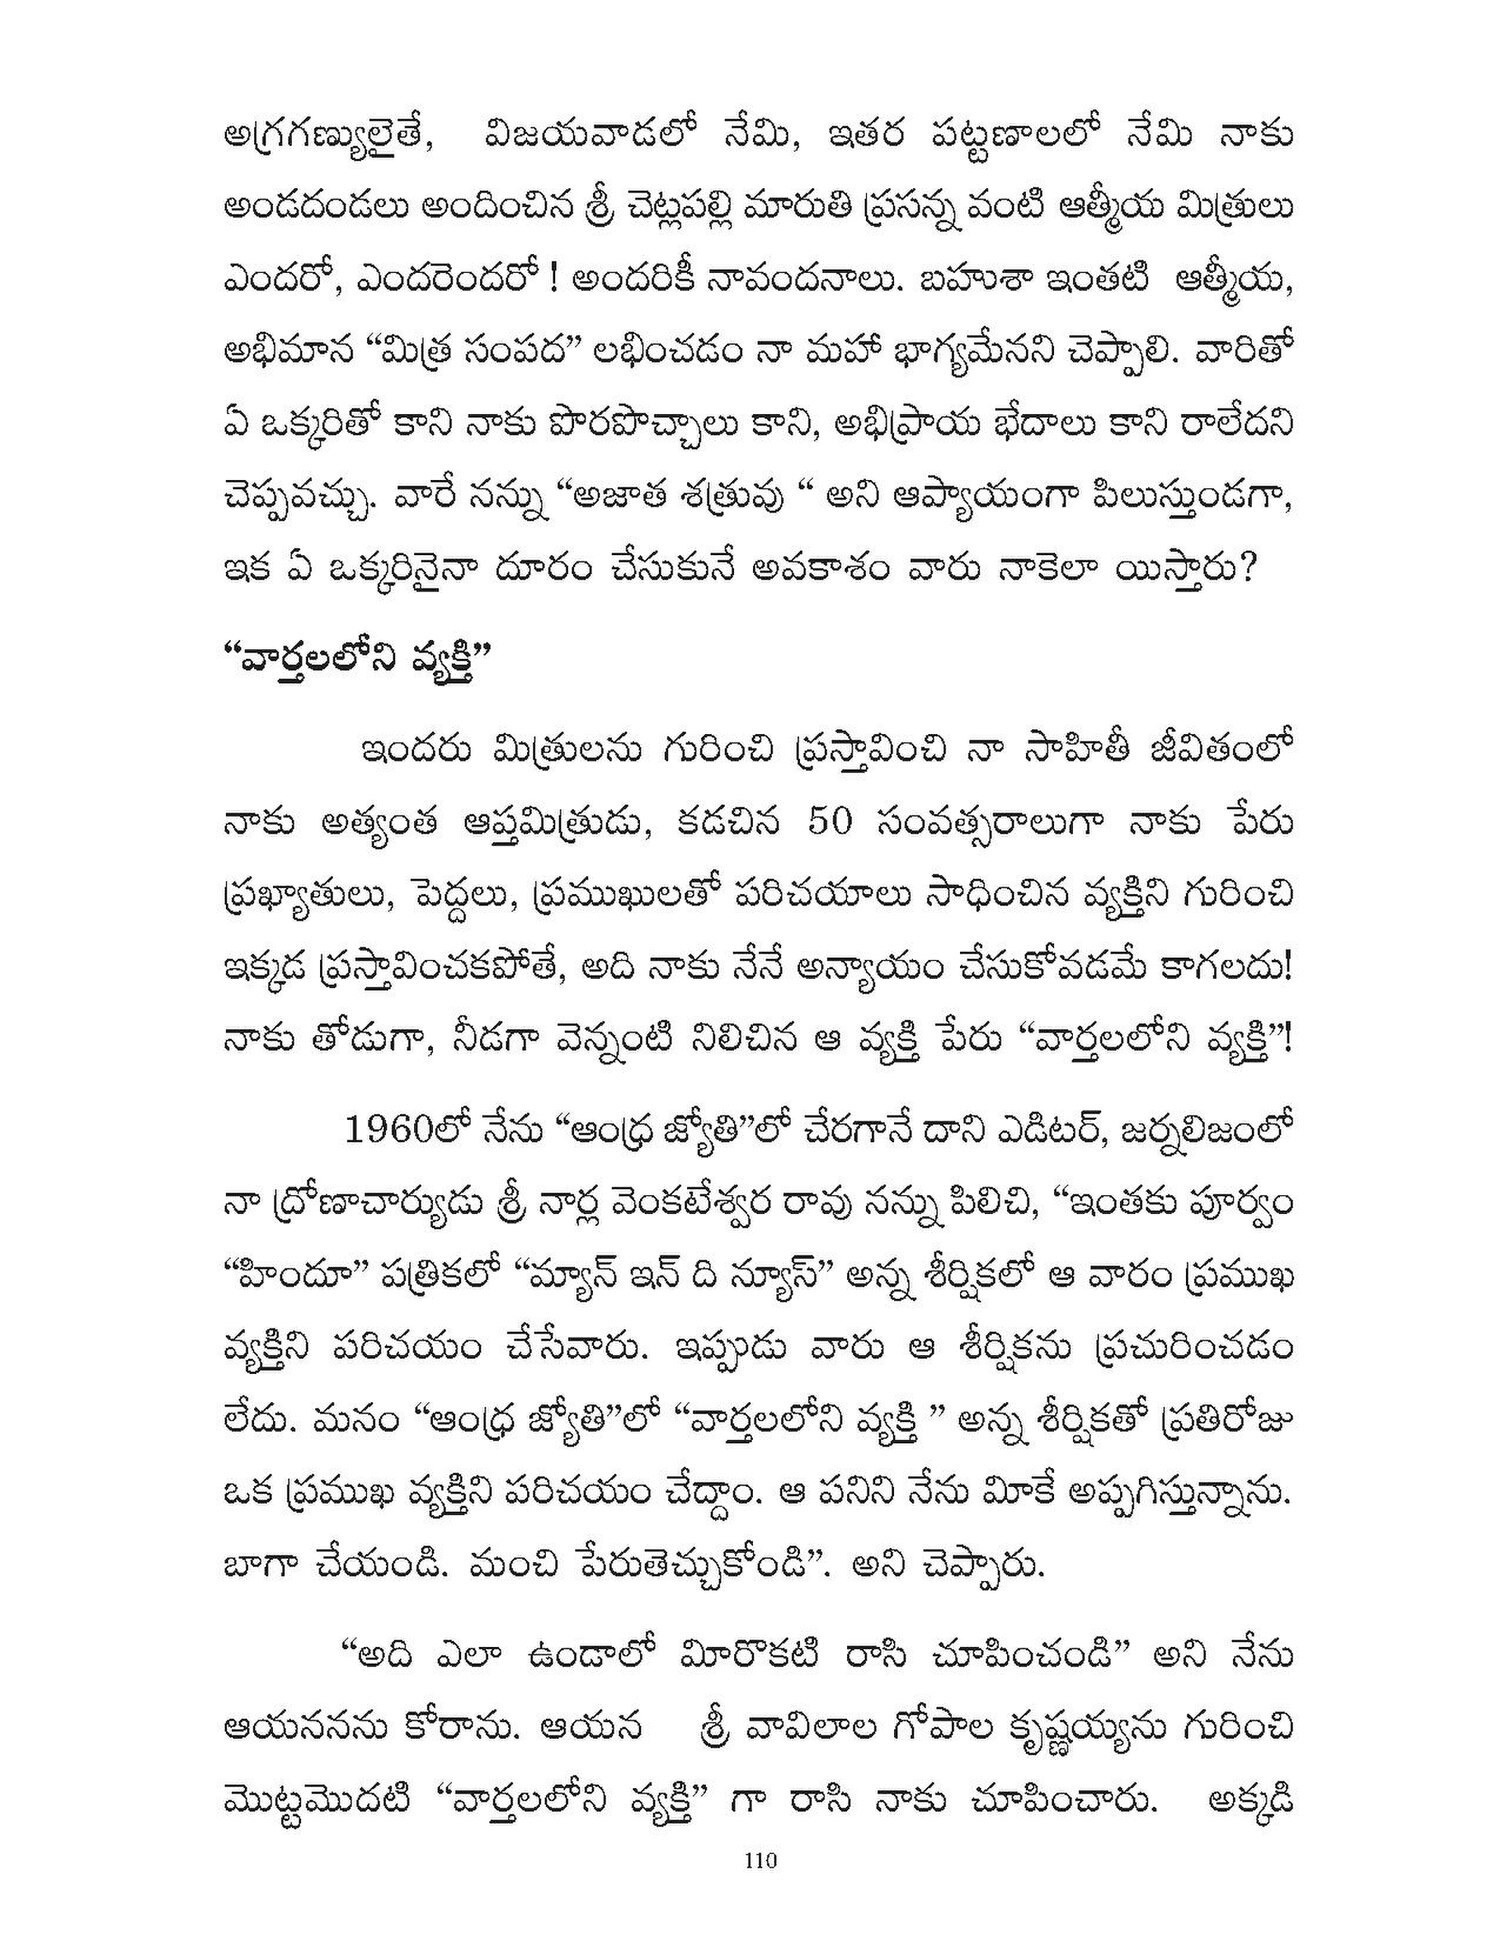అగ్రగణ్యులైతే, విజయవాడలో నేమి, ఇతర పట్టణాలలో నేమి నాకు
అండదండలు అందించిన శ్రీ చెట్లపల్లి మారుతి ప్రసన్న వంటి ఆత్మీయ మిత్రులు
ఎందరో, ఎందరెందరో ! అందరికీ నావందనాలు. బహుశా ఇంతటి ఆత్మీయ,
అభిమాన "మిత్ర సంపద" లభించడం నా మహా భాగ్యమేనని చెప్పాలి. వారితో
ఏ ఒక్కరితో కాని నాకు పొరపొచ్చాలు కాని, అభిప్రాయ భేదాలు కాని రాలేదని
చెప్పవచ్చు. వారే నన్ను "అజాత శత్రువు " అని ఆప్యాయంగా పిలుస్తుండగా,
ఇక ఏ ఒక్కరినైనా దూరం చేసుకునే అవకాశం వారు నాకెలా యిస్తారు?

"వార్తలలోని వ్యక్తి"

ఇందరు మిత్రులను గురించి ప్రస్తావించి నా సాహితీ జీవితంలో
నాకు అత్యంత ఆప్తమిత్రుడు, కడచిన 50 సంవత్సరాలుగా నాకు పేరు
ప్రఖ్యాతులు, పెద్దలు, ప్రముఖులతో పరిచయాలు సాధించిన వ్యక్తిని గురించి
ఇక్కడ ప్రస్తావించకపోతే, అది నాకు నేనే అన్యాయం చేసుకోవడమే కాగలదు!
నాకు తోడుగా, నీడగా వెన్నంటి నిలిచిన ఆ వ్యక్తి పేరు "వార్తలలోని వ్యక్తి"!

1960లో నేను "ఆంధ్ర జ్యోతి"లో చేరగానే దాని ఎడిటర్‌, జర్నలిజంలో
నా ద్రోణాచార్యుడు శ్రీ నార్ల వెంకటేశ్వర రావు నన్ను పిలిచి, "ఇంతకు పూర్వం
"హిందూ" పత్రికలో "మ్యాన్‌ ఇన్‌ ది న్యూస్‌" అన్న శీర్షికలో ఆ వారం ప్రముఖ
వ్యక్తిని పరిచయం చేసేవారు. ఇప్పుడు వారు ఆ శీర్షికను ప్రచురించం
లేదు. మనం "ఆంధ్ర జ్యోతి"లో "వార్తలలోని వ్యక్తి " అన్న శీర్షికతో ప్రతిరోజు
ఒక ప్రముఖ వ్యక్తిని పరిచయం చేద్దాం. ఆ పనిని నేను మీకే అప్పగిస్తున్నాను.
బాగా చేయండి. మంచి పేరుతెచ్చుకోండి". అని చెప్పారు.

"అది ఎలా ఉండాలో మీరొకటి రాసి చూపించండి" అని నేను
ఆయననను కోరాను. ఆయన శ్రీ వావిలాల గోపాల కృష్ణయ్యను గురించి
మొట్టమొదటి "వార్తలలోని వ్యక్తి" గా రాసి నాకు చూపించారు. అక్కడి